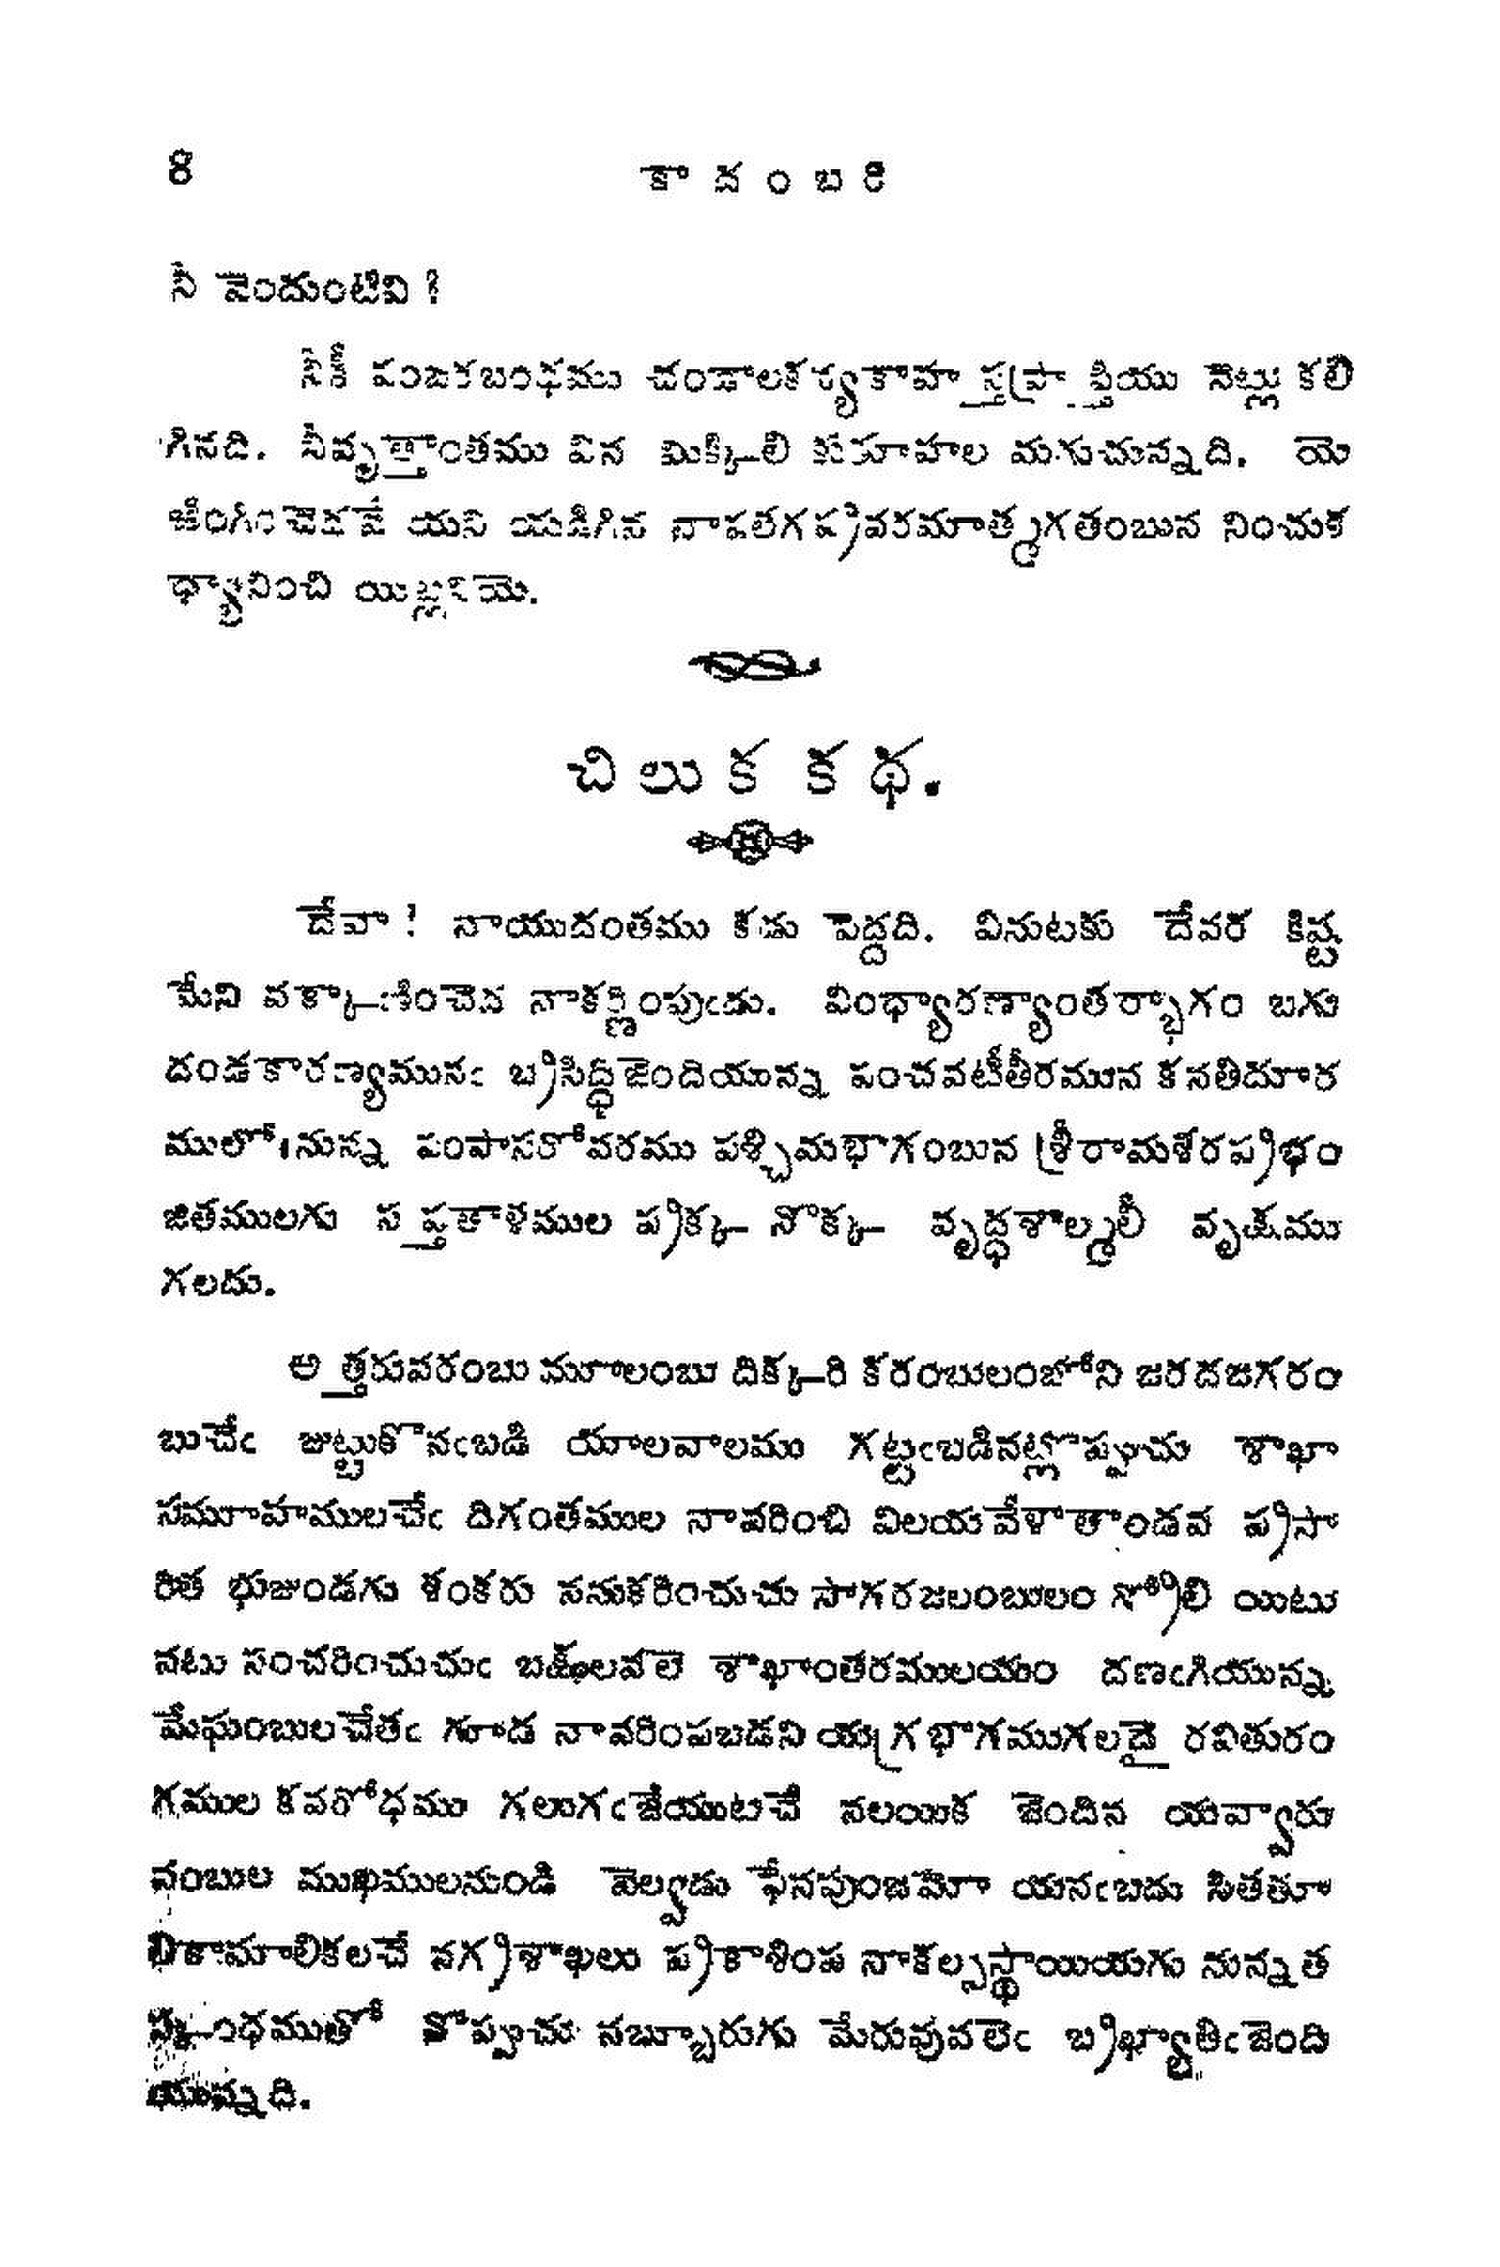నీ వెందుంటివి ?

నీకీ పంజరబంధము చండాలకన్యకాహస్తప్రాప్తియు నెట్లు కలిగినది. నీవృత్తాంతము విన మిక్కిలి కుతూహల మగుచున్నది. యెఱింగించెదవే యని యడిగిన నాపతంగప్రవరమాత్మగతంబున నించుక ధ్యానించి యిట్లనియె.

చిలుక కథ.

దేవా ! నాయుదంతము కడు పెద్దది. వినుటకు దేవర కిష్టమేని వక్కాణించెద నాకర్ణింపుఁడు. వింధ్యారణ్యాంతర్భాగం బగు దండకారణ్యమునఁ బ్రసిద్ధిజెందియున్న పంచవటీతీరమున కనతిదూరములో నున్న పంపాసరోవరము పశ్చిమభాగంబున శ్రీరామశరప్రభంజితములగు సప్తతాళముల ప్రక్క నొక్క వృద్ధశాల్మలీ వృక్షము గలదు.

అ త్తరువరంబు మూలంబు దిక్కరి కరంబులంబోని జరదజగరంబుచేఁ జుట్టుకొనఁబడి యాలవాలము గట్టఁబడినట్లొప్పుచు శాఖా సమూహములచేఁ దిగంతముల నావరించి విలయవేళాతాండవ ప్రసారిత భుజుండగు శంకరు ననుకరించుచు సాగరజలంబులం గ్రోలి యిటు నటు సంచరించుచుఁ బక్షులవలె శాఖాంతరములయం దణఁగియున్న మేఘంబులచేతఁ గూడ నావరింపబడని యగ్రభాగముగలదై రవితురంగముల కవరోధము గలుగఁజేయుటచే నలయిక జెందిన యవ్వారు నంబుల ముఖములనుండి వెల్వడు ఫేనపుంజమో యనఁబడు సితతూలికామాలికలచే నగ్రశాఖలు ప్రకాశింప నాకల్పస్థాయియగు నున్నత స్కంధముతో నొప్పుచు నబ్బూరుగు మేరువువలెఁ బ్రఖ్యాతిఁజెంది యున్నది.